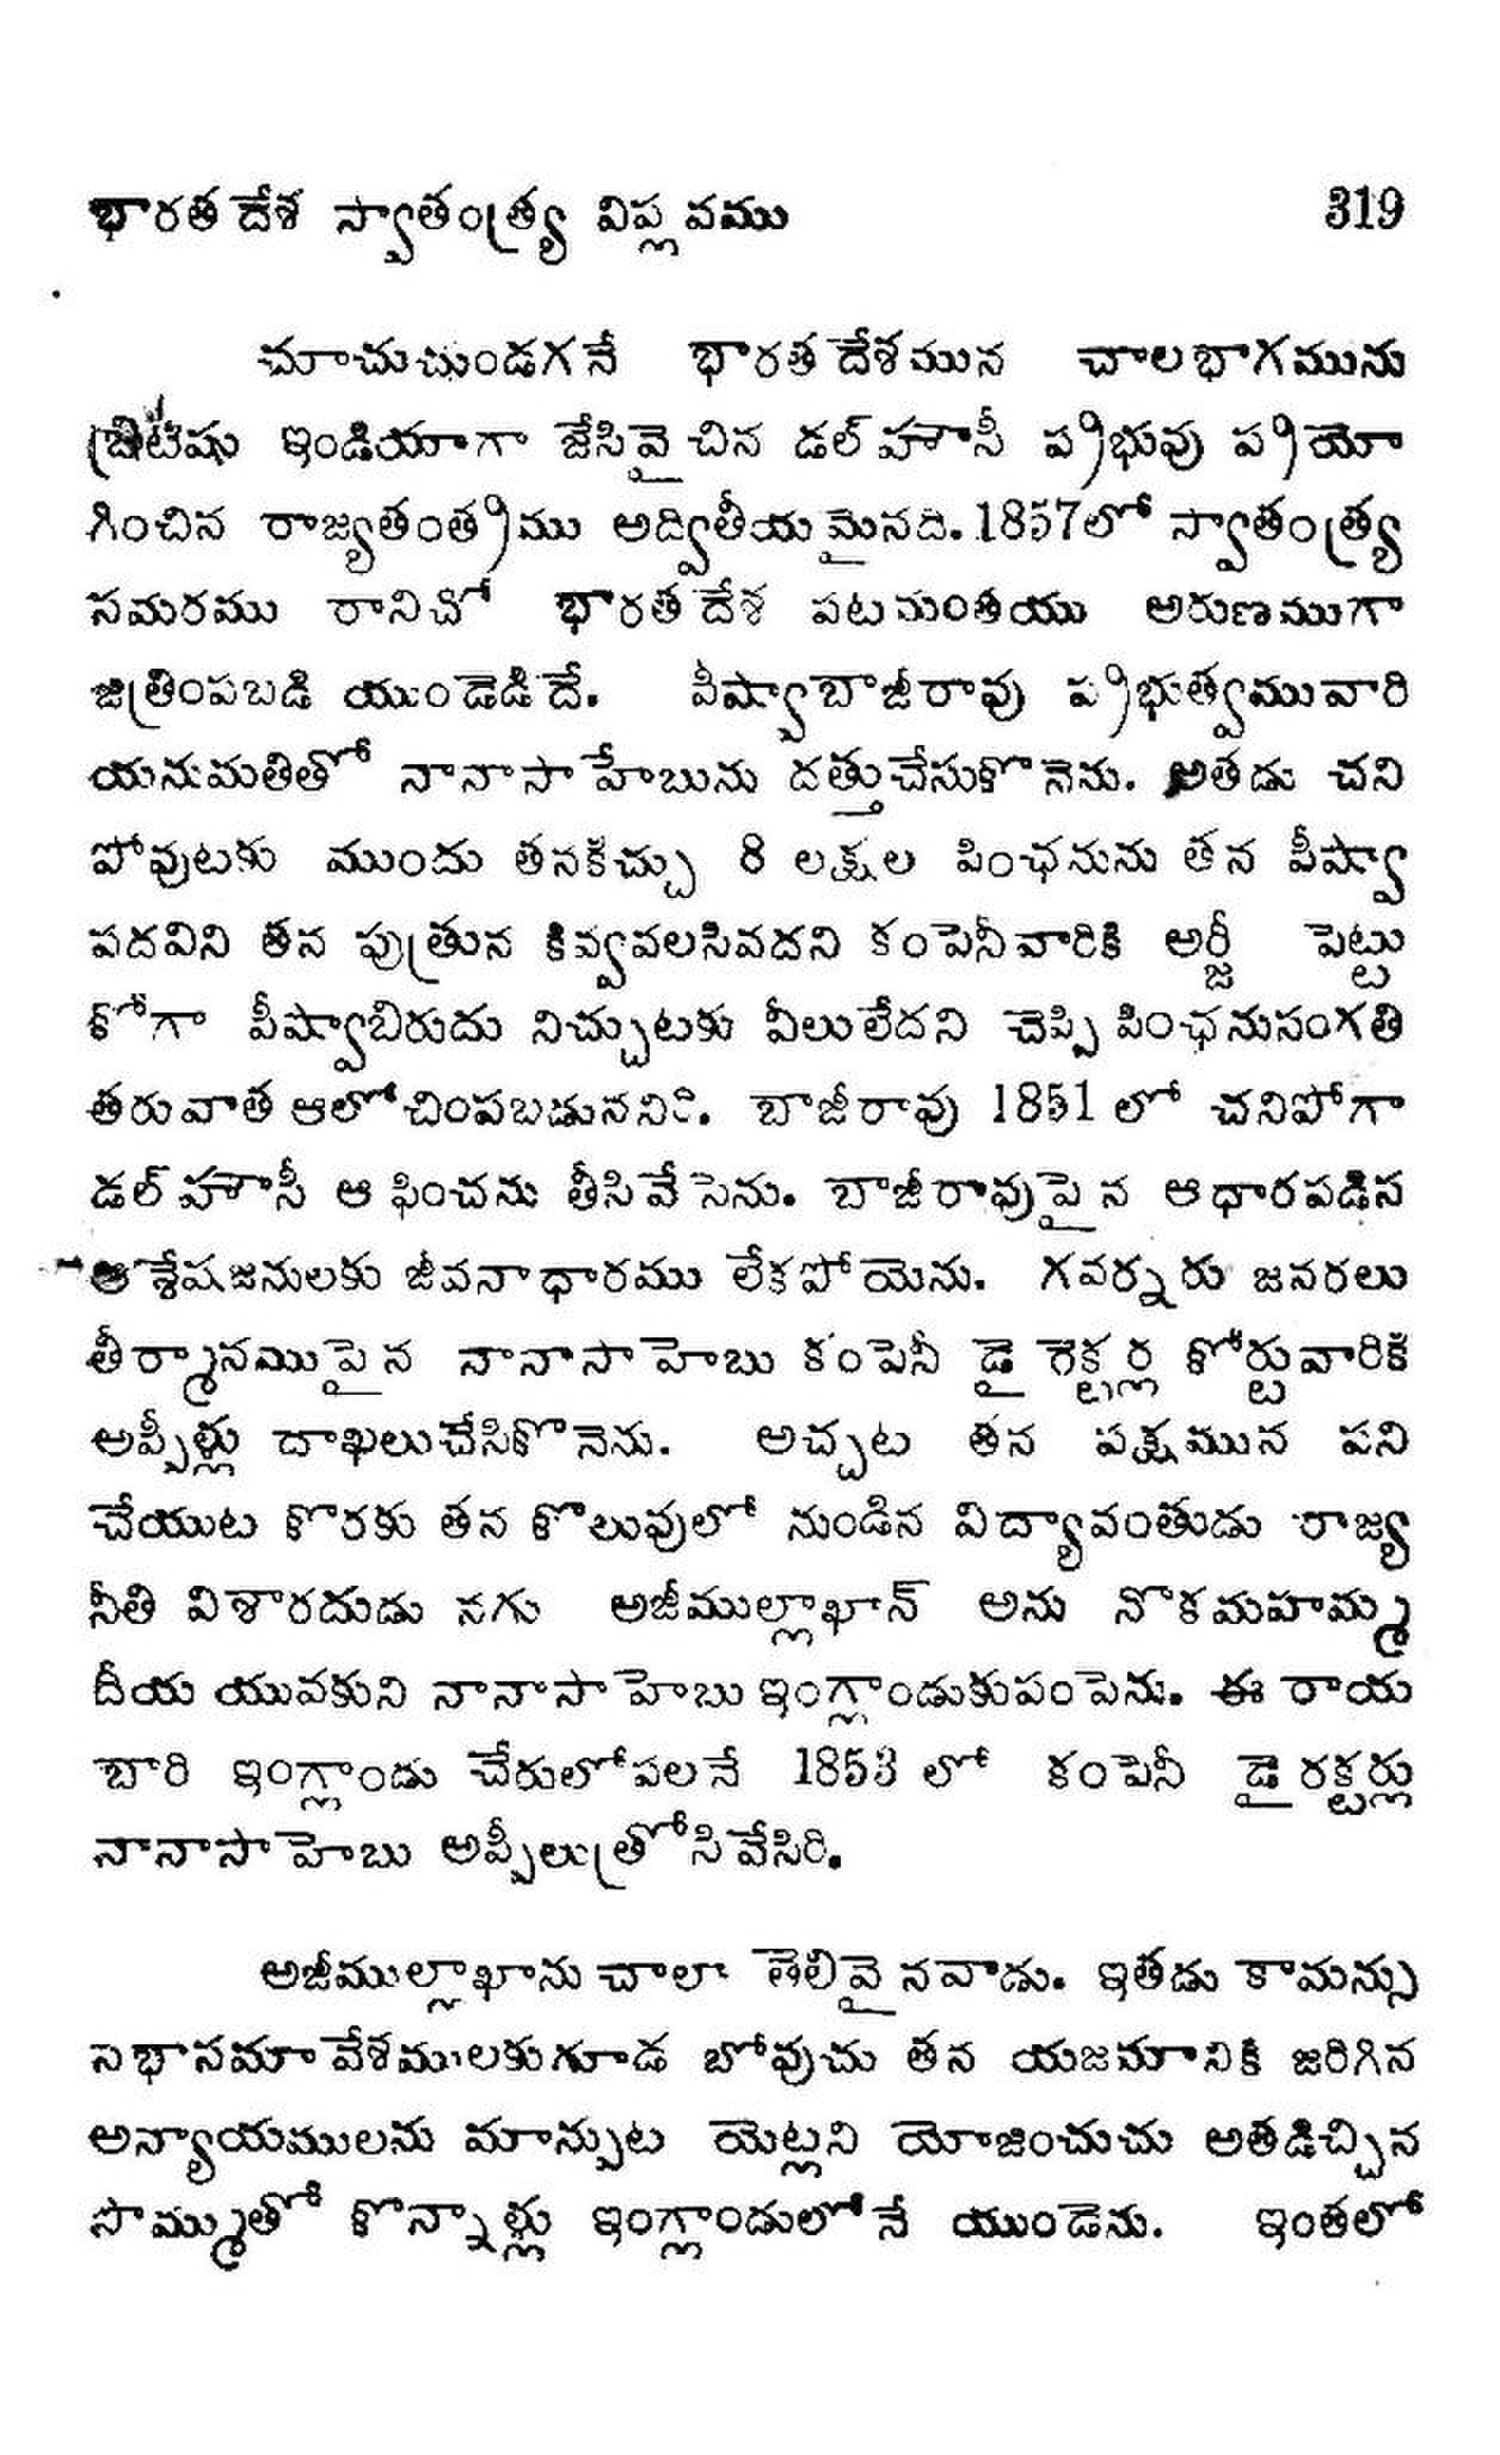చూచుచుండగనే భారతదేశమున చాలభాగమును బ్రిటిషు ఇండియాగా జేసివైచిన డల్‌హౌసీ ప్రభువు ప్రయోగించిన రాజ్యతంత్రము అద్వితీయమైనది. 1857లో స్వాతంత్ర్య సమరము రానిచో భారతదేశ పటమంతయు అరుణముగా జిత్రింపబడి యుండెడిదే. పీష్వాబాజీరావు ప్రభుత్వమువారి యనుమతితో నానాసాహేబును దత్తుచేసుకొనెను. అతడు చనిపోవుటకు ముందు తనకిచ్చు 8 లక్షల పింఛనును తన పీష్వా పదవిని తన పుత్రున కివ్వవలసివదని కంపెనీవారికి అర్జీ పెట్టుకోగా పీష్వాబిరుదు నిచ్చుటకు వీలులేదని చెప్పి పింఛనుసంగతి తరువాత ఆలోచింపబడుననిరి. బాజీరావు 1851 లో చనిపోగా డల్‌హౌసీ ఆ ఫించను తీసివేసెను. బాజీరావుపైన ఆధారపడిన ఆశేషజనులకు జీవనాధారము లేకపోయెను. గవర్నరు జనరలు తీర్మానముపైన నానాసాహెబు కంపెనీ డైగెక్టర్ల కోర్టువారికి అప్పీళ్లు దాఖలుచేసికొనెను. అచ్చట తన పక్షమున పనిచేయుట కొరకు తన కొలువులో నుండిన విద్యావంతుడు రాజ్యనీతి విశారదుడు నగు అజీముల్లాఖాన్ అను నొకమహమ్మదీయ యువకుని నానాసాహెబు ఇంగ్లాండుకుపంపెను. ఈ రాయబారి ఇంగ్లాండు చేరులోపలనే 1853 లో కంపెనీ డైరక్టర్లు నానాసాహెబు అప్పీలుత్రోసివేసిరి.

అజీముల్లాఖాను చాలా తెలివైనవాడు. ఇతడు కామన్సు సభాసమావేశములకుగూడ బోవుచు తన యజమానికి జరిగిన అన్యాయములను మాన్చుట యెట్లని యోజించుచు అతడిచ్చిన సొమ్ముతో కొన్నాళ్లు ఇంగ్లాండులోనే యుండెను. ఇంతలో